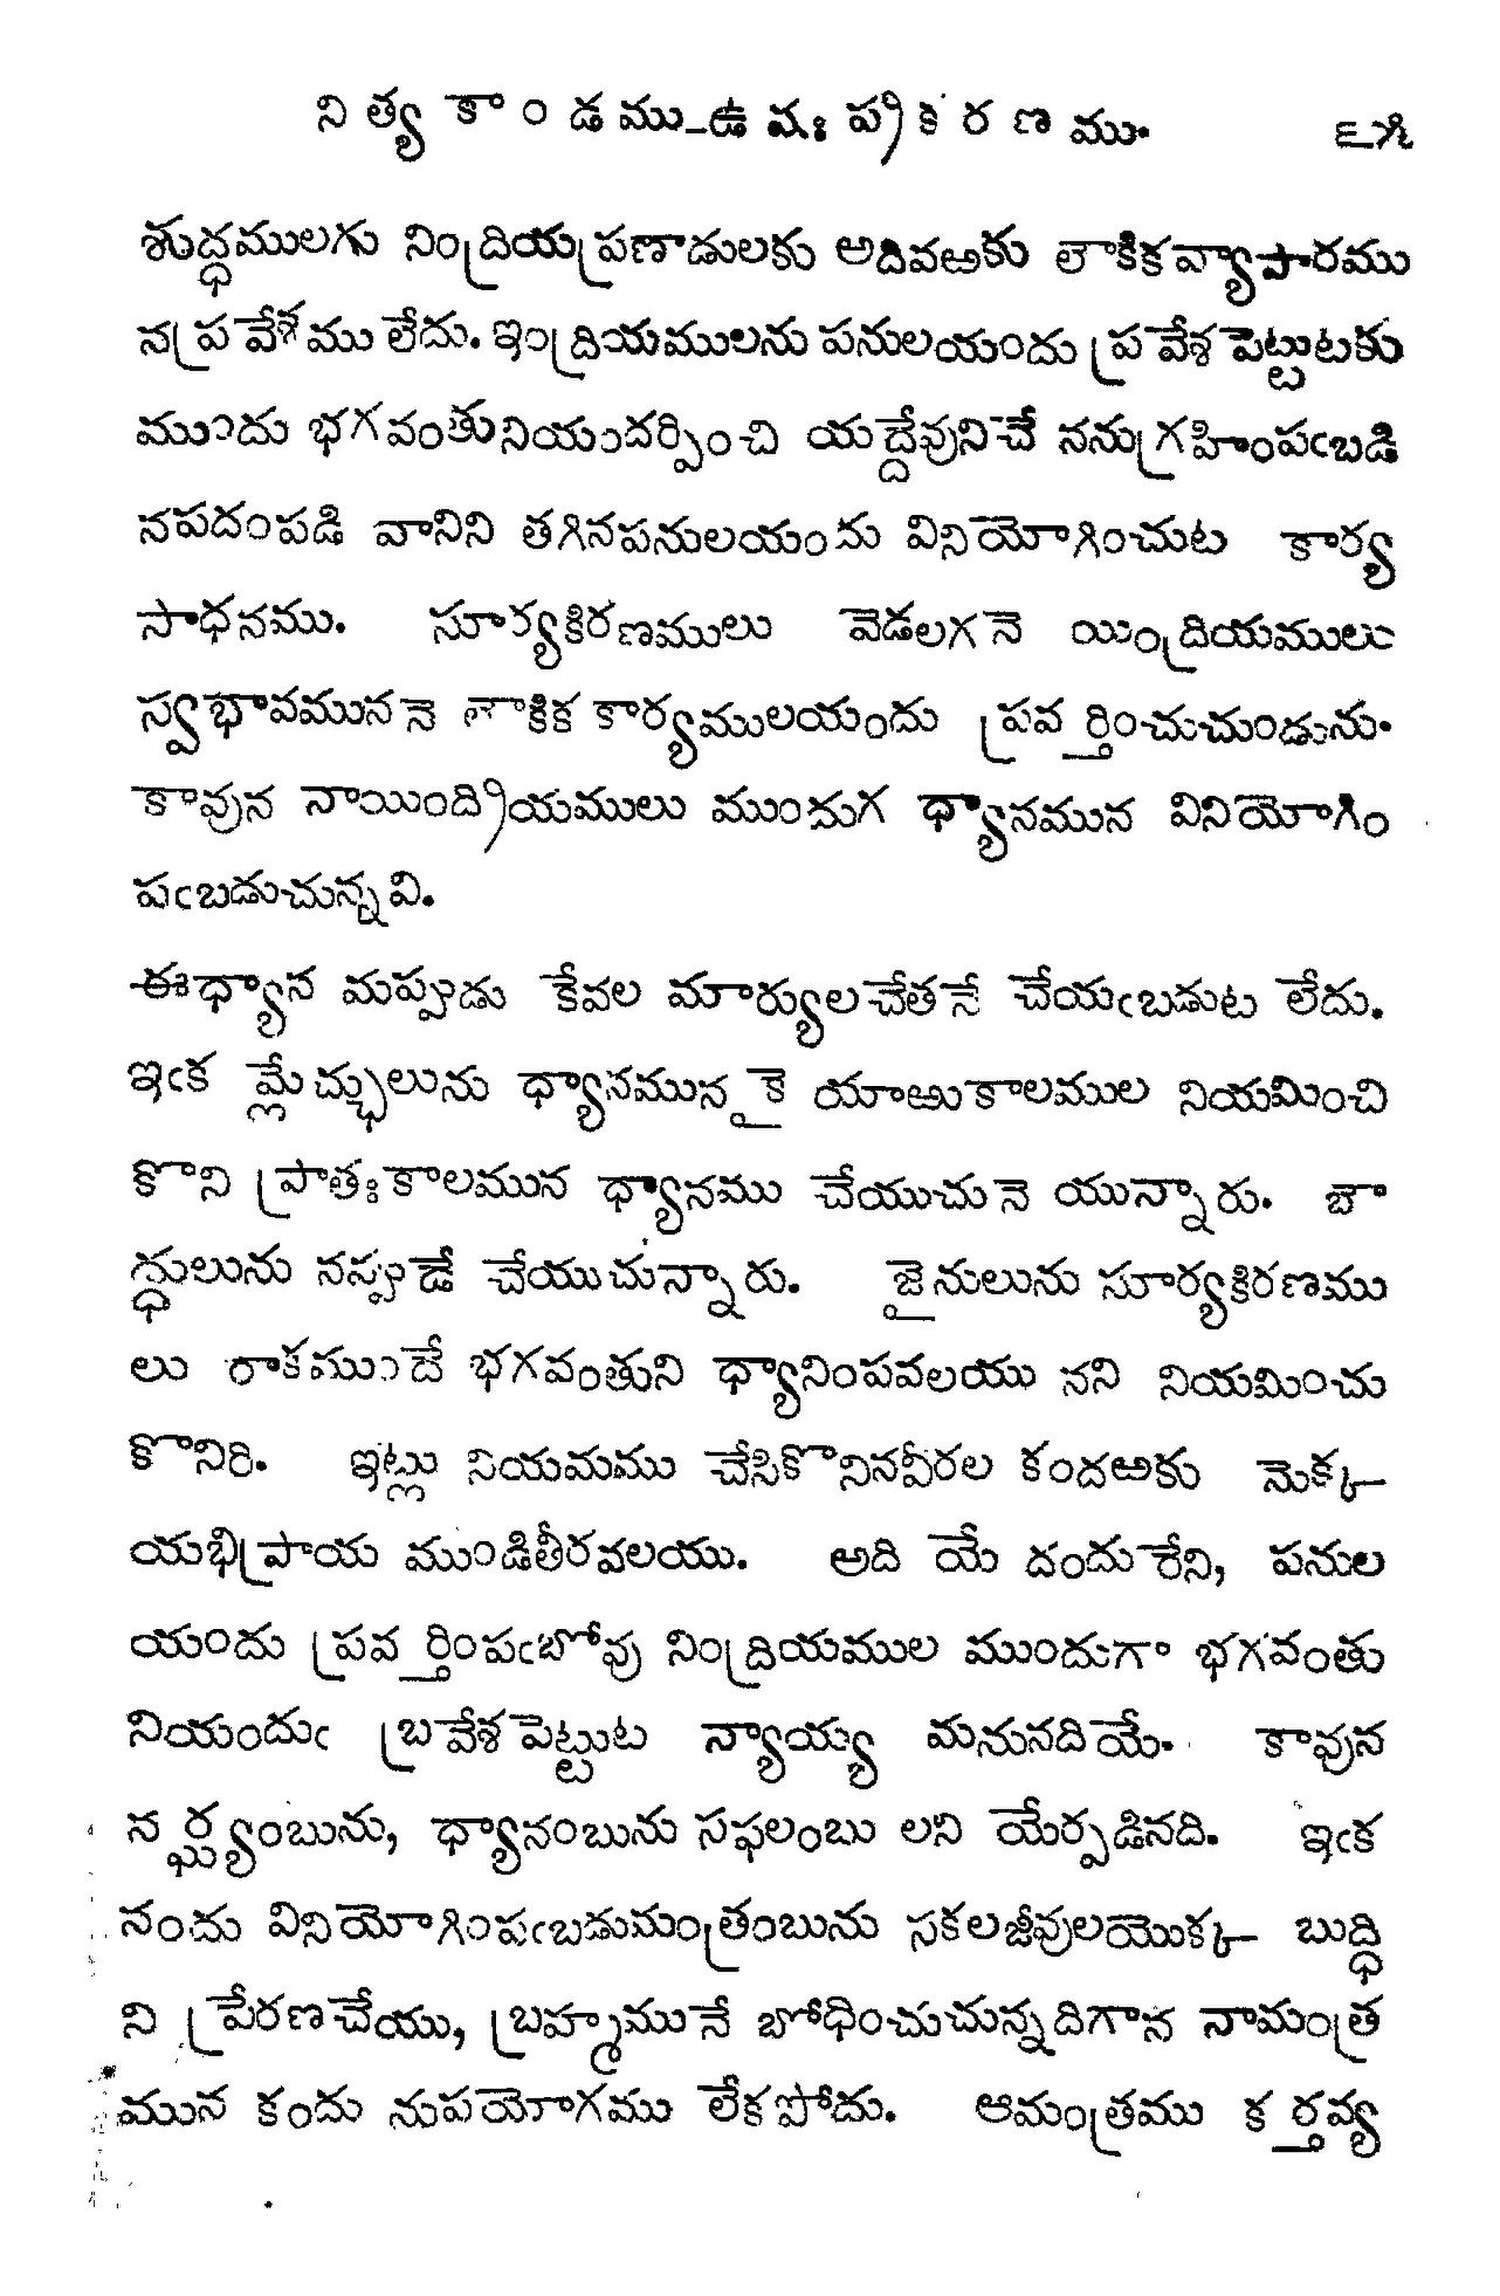శుద్ధములగు నింద్రియప్రణాడులకు అదివఱకు లౌకికవ్యాపారమునప్రవేశము లేదు. ఇంద్రియములను పనులయందు ప్రవేశపెట్టుటకు ము౦దు భగవంతునియందర్పించి యద్దేవునిచే ననుగ్రహింపఁబడి నపదంపడి వానిని తగినపనులయందు వినియోగించుట కార్యసాధనము. సూర్యకిరణములు వెడలగనె యింద్రియములు
స్వభావముననె లౌకిక కార్యములయందు ప్రవర్తించుచుండును. కావున నాయింద్రియములు ముందుగ ధ్యానమున వినియోగింపఁబడుచున్నవి.

ఈధ్యాన మప్పుడు కేవల మార్యులచేతనే చేయఁబడుట లేదు. ఇఁక మ్లేచ్ఛులును ధ్యానమునకై యాఱుకాలముల నియమించికొని ప్రాతఃకాలమున ధ్యానము చేయుచునె యున్నారు. బౌద్ధులును నప్పుడే చేయుచున్నారు. జైనులును సూర్యకిరణములు రాకముందే భగవంతుని ధ్యానింపవలయు నని నియమించుకొనిరి. ఇట్లు నియమము చేసికొనిన వీరల కందఱకు నొక్క యభిప్రాయ ముండితీరవలయు. అది యే దందురేని, పనులయందు ప్రవర్తింపఁబోవు నింద్రియముల ముందుగా భగవంతునియందుఁ బ్రవేశపెట్టుట న్యాయ్య మనునదియే. కావున నర్ఘ్యంబును, ధ్యానంబును సఫలంబు లని యేర్పడినది. ఇఁక నందు వినియోగింపఁబడుమంత్రంబును సకలజీవులయొక్క బుద్ధిని ప్రేరణచేయు, బ్రహ్మమునే బోధించుచున్నదిగాన నామంత్రమున కందు నుపయోగము లేకపోదు. ఆమంత్రము కర్తవ్య